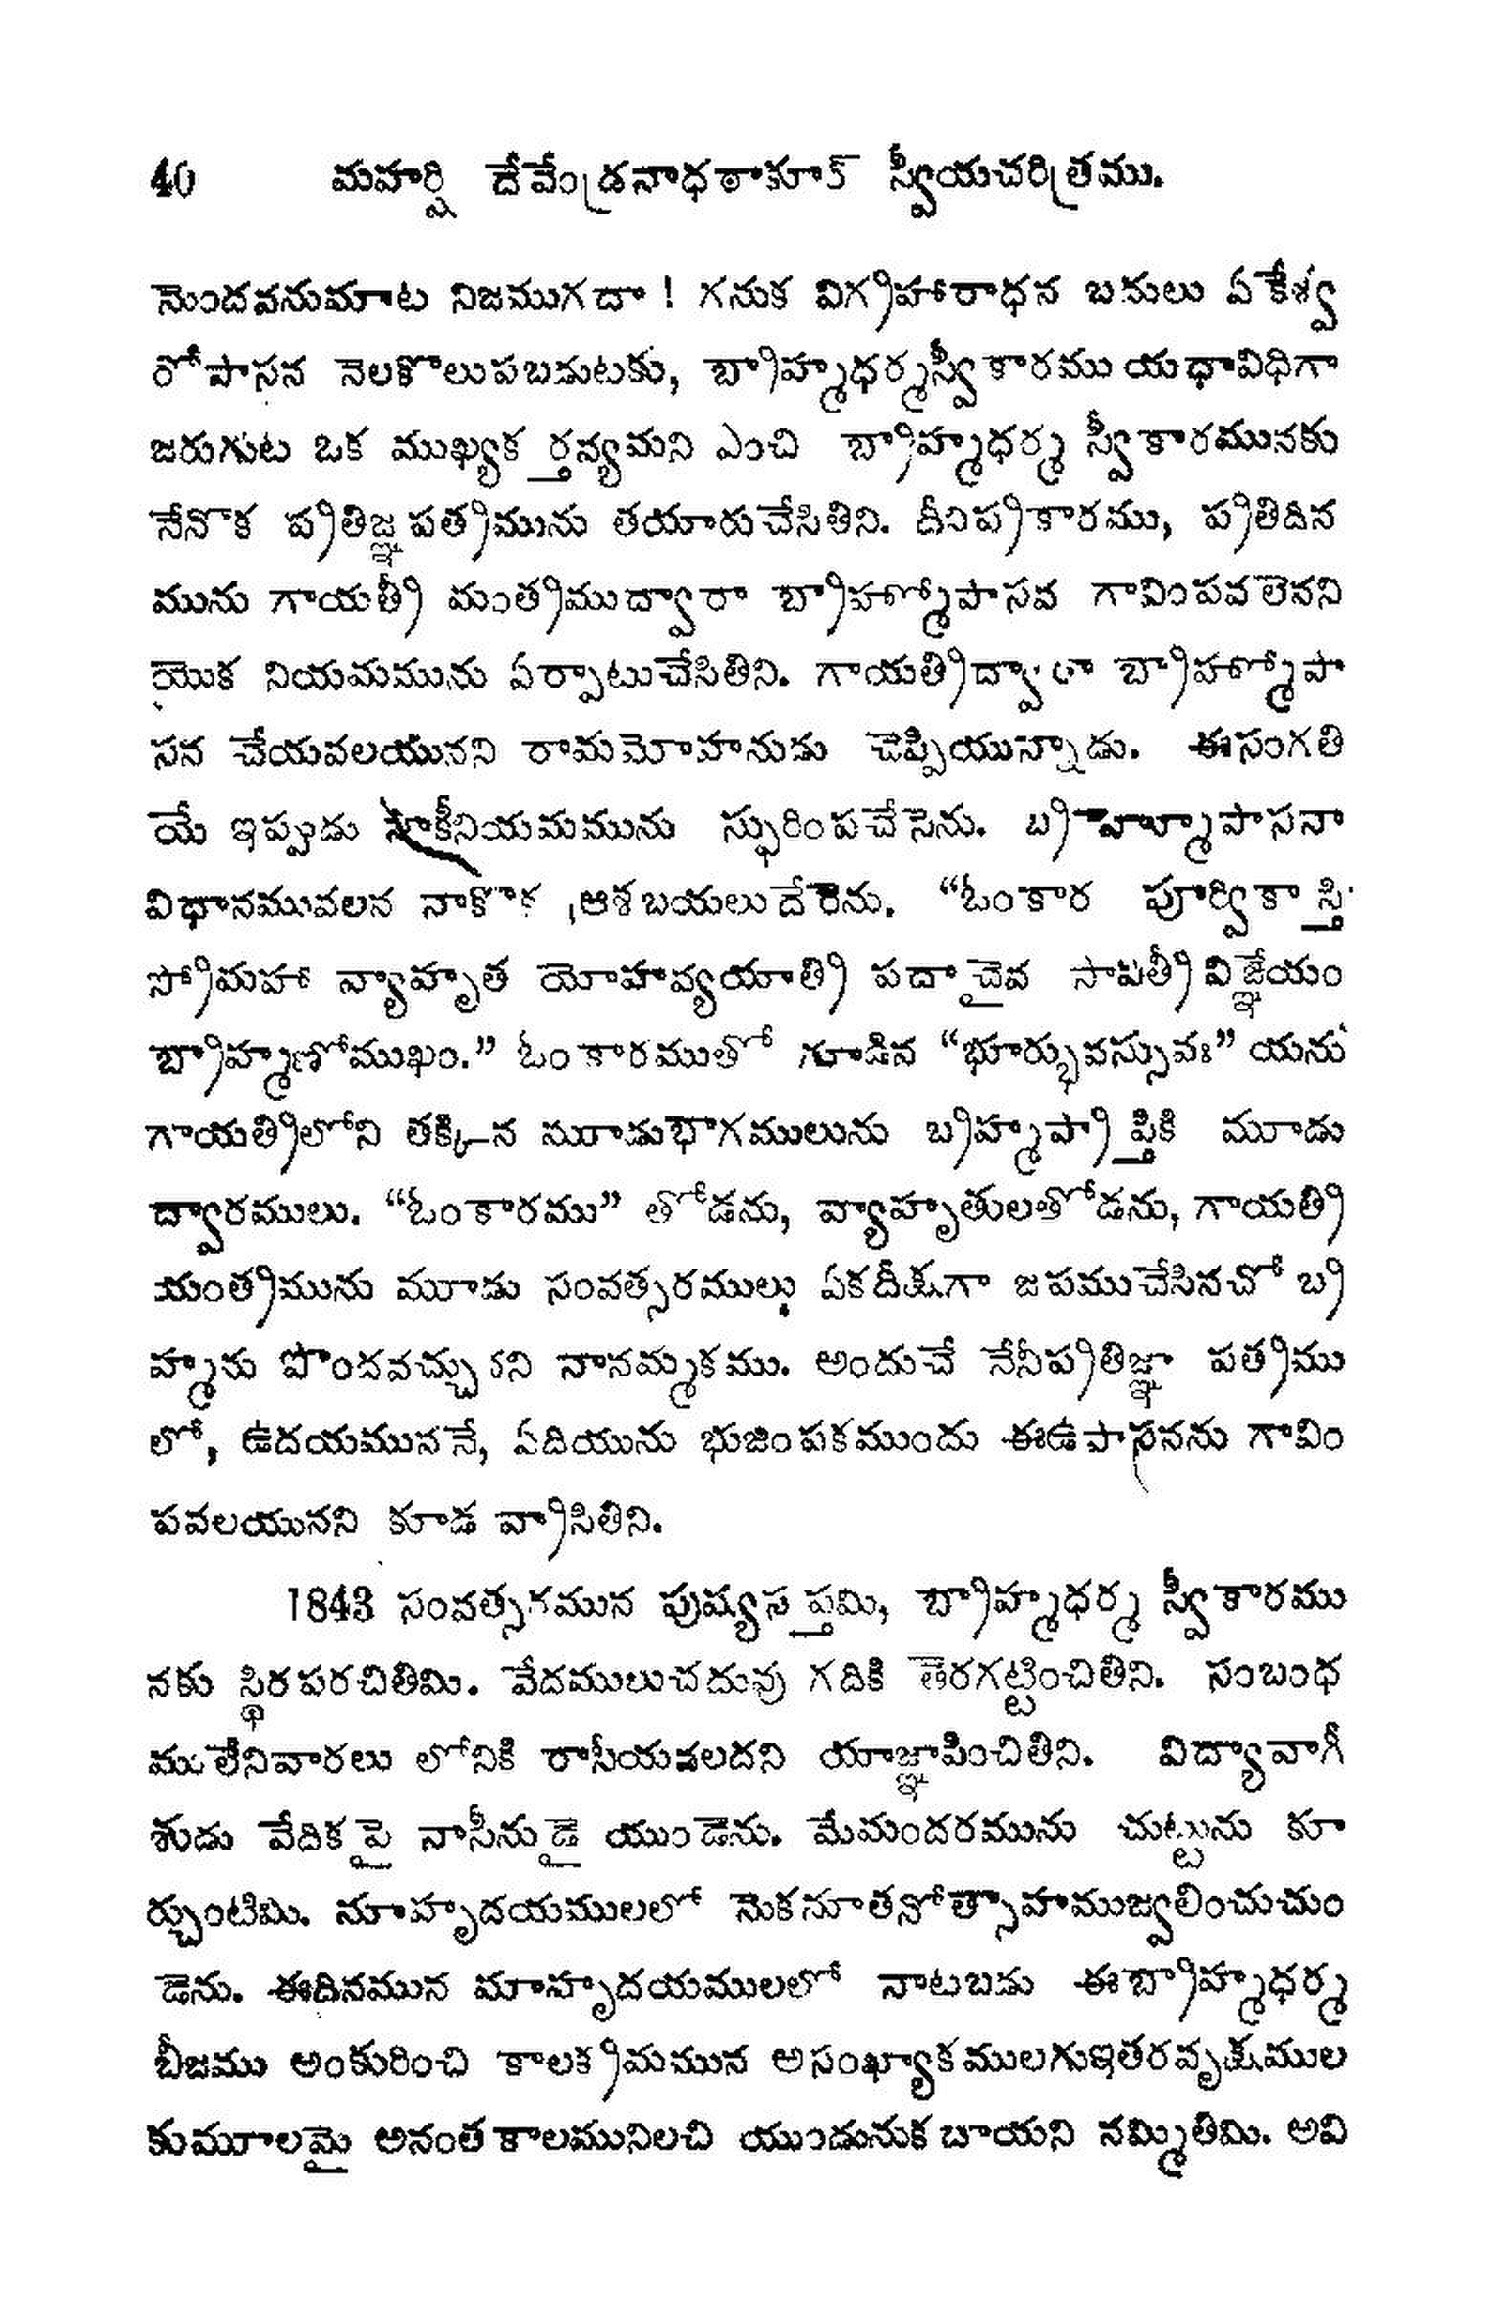నొందవనుమాట నిజముగాదా ! గనుక విగ్రహారాధన బదులు ఏకేశ్వ
రోపాసన నెలకొలుప బడుటకు, బాహ్మధర్మ స్వీకారము యధావిధిగా
జరుగుట ఒక ముఖ్య కర్తవ్యమని ఎంచి బాహ్మధర్మ స్వీకారమునకు
నేనొక ప్రతిజ్ఞ పత్రమును తయారు చేసితిని. దీని ప్రకారము, ప్రతిదిన
మును గాయత్రీ ముత్రము ద్వారా బొహ్మోపాసన గావింపవలెనని
యొక నియమమును ఏర్పాటు చేసితిని. గాయత్రి ద్వారా బాహ్మోపొ
సన చేయ వలయునని రామమోహనుడు చెప్పియున్నాడు. ఈ సంగతి
యే ఇప్పుడు నాకీనియమమును స్ఫురింప చేసెను. బ్ర హ్మోపసనా
విధానము వలన నాకొక ఆశ బయలు దేరెను. “ఓంకార పూర్వికాస్తి'
స్రోమహా వ్యాహృత యోహవ్యయాత్రి పదా చైవ సావిత్రీ విశ్లేయం
బాహ్మణోముఖం.” ఓంకారముతో గూడిన “భూర్భువస్సువః” యను
గాయత్రిలోని తక్కిన మూడు భాగములును బ్రహ్మ ప్రాప్తికి మూడు
ద్వారములు. “ఓంకారము” తోడను, వ్యాహృతులతోడను,గాయత్రి మంత్రమును మూడు సంవత్సరములు ఏక దీక్షగా జపము చేసినచో బ్రహ్మను పొందవచ్చు నని నానమ్మకము. అందుచే నేసీ ప్రతిజ్ఞ పత్రములో, ఉదయముననే, ఏదియును భుజింపకముందు ఈఉపాపాసనను వ్రాసితిని.

1848 సంవత్సరమున పుష్య సప్తమి, అహ్మధర్మ స్వీకారమునకు స్థిరపరచితిమి. 'వేదములు చదువు గదికి తెరగట్టించితిని. సంబంధము లేనివారలు లోనికిరానీయవలదని యాజ్ఞాపించితిని. విద్యా వాగీశుడు వేదిక పై నాసీనుడై యుండెను. మేమందరమును చుట్టును కూర్చుంటిమి. మాహృదయములలో ఒక నూతనోత్సాహము జ్వలించుచుండెను. ఈదినమున మాహృదయములలో నాటబడు 
ఈ బాహ్మధర్మబీజము అంకురించి కాలక్రమమున అసంఖ్యాకములగు ఇతర వృక్షములకు మూలమై అనంత కాలమునిలచి యుండునుకదాయని నమ్మితిమి.
అవి